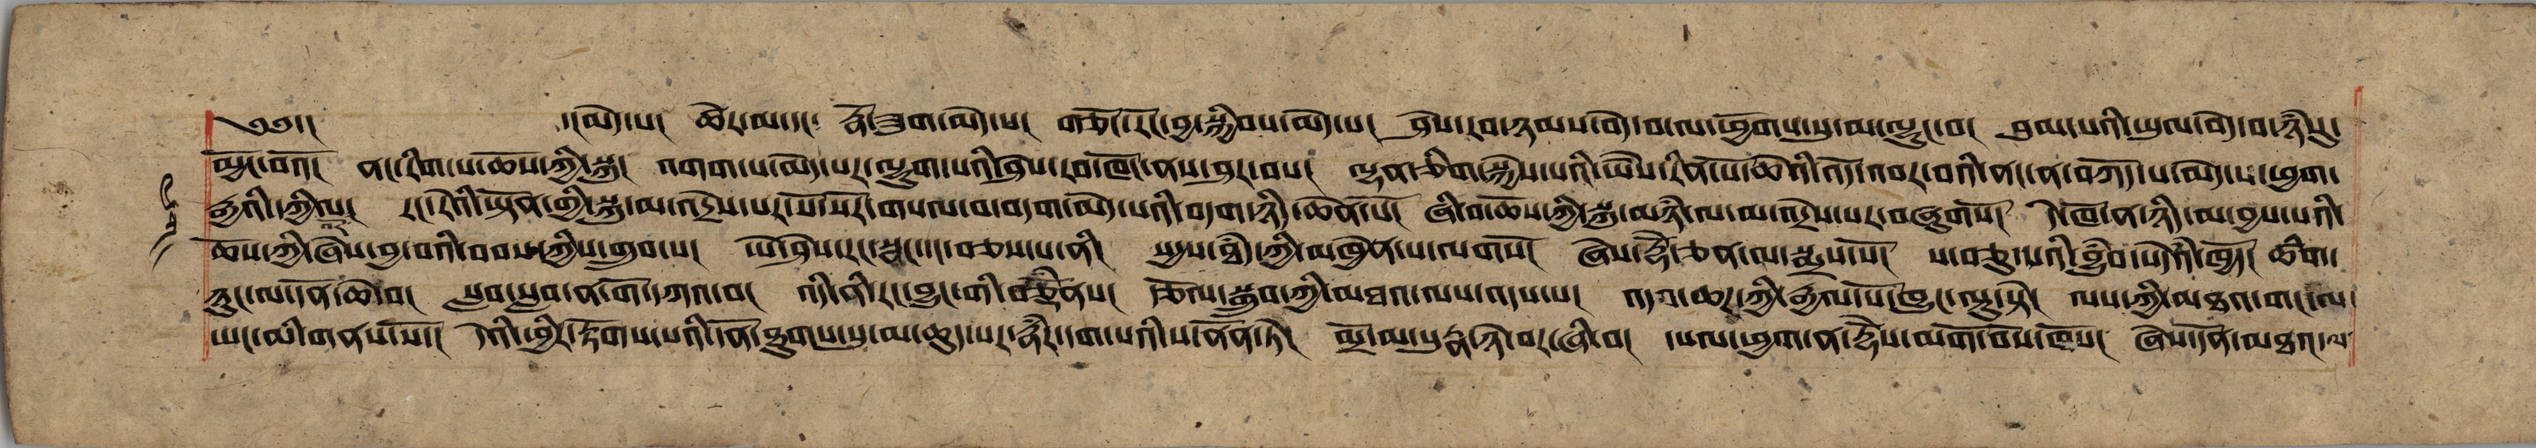༄༅་། ་།མེད་པ། ཚེར་མ་དང་ རྣོ་ཟུག་མེད་པ། གཅོང་རོང་བྱ་སྐྱིབས་མེད་པ། ཤེས་རབ་ཉམས་བདེ་བལ་ཕྱོགས་སུ་མ་ལྷུང་བ། བུམ་པའི་ཡུལ་བདེ་བ་ཉཾསུ་
མྱོང་བའོ། ནང་རིག་པ་ཆོས་ཀྱི་སྐུ། འགག་པ་མེད་པརལྷུག་པའི་ཤེས་རབ་ཁོང་ནས་ཤར་བས། ལྷན་ཅིག་སྐྱེས་པའི་ཡཻས་རིན་པོ་ཆེའི་འོད་འབར་བའི་ནང་ན་བཀོད་པ་མེད་པ་ཕྱག་
རྒྱའི་དཀྱིལ་འོར་། རང་རེའི་ཡྟོན་གྱི་སྐུ་མ་འདྲེས་པར་སོ་སོར་གསལ་བ་བདག་མེད་པའི་བདག་ཉིད་ཆེན་པོ། ཞི་བ་ཆོས་ཀྱི་སྐུ་མཉཾ་ལ་མའདྲེས་པར་བཞུགསོ། དེ་ཁོ་ན་ཉིད་མ་བྱས་པའི་
ཆོས་ཀྱི་ཞེས་བྱ་བའི་བབས་ཀྱིས་གྲུབ་པ། ཡེ་ཤེས་རང་སྣང་དང་བཅས་པ་ནི། སདྱས་ཐཾད་ཀྱི་མཁྱེན་པ་ལགསོ། ཞེས་རྡོེ་ཅན་ལ་སྨྲས་སོ། ས་བཅུ་པའི་བྱུཾབ་སེདའཾ་ཁྱོད། ཚིག་
ཉུང་ལ་དོན་ཆེ་བ། སླབ་སླབ་ན་གོ་དཀའ་བ། འདི་ནི་རང་བྱུང་གི་བཅྡོཾནས། རྩོལ་སྒྲུབ་ཀྱི་མཐའ་ལས་འདས་པ། འདབ་ཆཌ་ཀྱི་རྒྱལ་པོ་ཁྱུང་ལྟུ་སྟེ། ལས་ཀྱི་མཐའ་གང་
ཡང་མི་གནས་སོ་། དེའི་ཕྱིར་རྟོགས་པའི་དོན་ཐུགས་སུ་མ་ཆུད་པར་རྣཾར་དག་པའི་ས་ནནོ་ཏེ། མྲོ་མ་པུརྣ་ཉེ་བར་ཞི་བ། དཔལ་ཕྱག་ན་རྡོེས་མགོ་བོས་ཁོས། ཞེས་དོན་མཐའ་ལ་